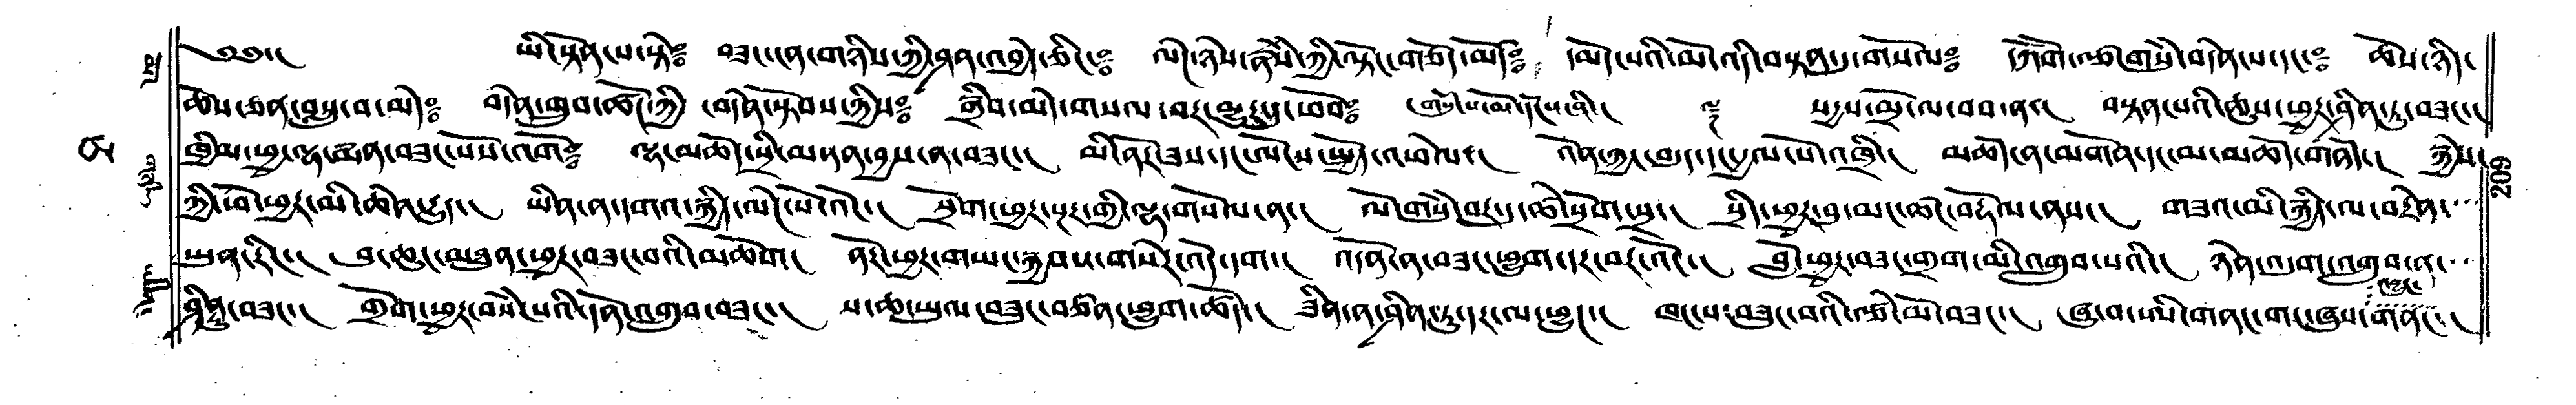ཡི་སྟོན་པ་སྟེ༔ བཟང་ངན་གཉིས་ཀྱི་ཤན་འབྱེདཅིང༔ ལེགས་ཉེས་རྣམས་ཀྱི་ལྟོང་གཅོད་མཛོད༔ དམོད་པའི་མོ་འདི་བསྟན་དུ་གསོལ༔ དཀོན་མཆོག་རྩ་གསུམ་བདེན་པ་དང༔ ཆོས་ཉིད་
ཆོས་ཅན་བསླུ་བ་མེད༔ བདེན་གྲུབ་ཚོགས་ཀྱི་བདེན་སྟོབས་ཀྱིས༔ སྒྲིབ་མེད་གསལ་བར་མྱུར་དུ་ཕོབ༔ གསུམ་པ་མོ་དངོས་ནི། ༈ སངས་རྒྱས་མཁའ་འགྲཽ་ལ་བབ་ན། །བསྟན་པའི་ཆུས་ཕྱྭར་ཤིན་ཏུ་བཟང་། 
ཁྱིམ་ཕྱྭ་ལྷ་སྨན་བཟང་པོས་འགོ །ལྷ་མཆོད་སྲི་མནན་བྱས་ན་བཟང་། །མི་ནོར་ཟས་དང་ལོངས་སྤྱོད་འཕེལ། འོན་ཀྱང་བདུད་དང་རྒྱལ་པོ་འཁྲི། །མཆོད་ན་མགོན་དང་མ་མཆོད་གནོད། །སྐྱེས་
ཀྱི་ཕོ་ཕྱྭར་མི་ཆེན་རྒྱུད། །ཡིན་ན་དགའ་སྐྱིད་ལེགས་པོ་འོང་།སྲོག་ཕྱྭར་སྔར་གྱི་ལྷ་གསོལ་ན། །ལོ་གསུམ་བར་དུ་ཚེ་སྲོག་སྲ། །སྲིད་ཕྱྭར་བུ་མང་ཚང་བརྡོལ་ནས། གཟའ་མི་སྐྱིད་ལ་བརྟེན་
ཡུན་རིང་། །བུ་ཆུང་མཐུན་ཕྱྭར་བཟང་བའི་མཆོག །ནོར་ཕྱྭར་གཡང་སྐྱབས་གསེར་འོད་དག །འདོན་ན་བཟང་ཕྱུག་དར་བར་འོང་། །བློ་ཕྱྭར་བཟང་གྲགས་མི་འགྲུབ་པའི། །ཉེན་འདུག་འགྲུབ་ན་
ཤིན་ཏུ་བཟང་། གྲོགས་ཕྱྭར་བསམ་པའི་དོན་འགྲུབ་བཟང་། །ས་ཆ་ཡུལ་བཟུང་བཙན་ཕྱུག་ཚོད། །ཟིན་ན་ཤིན་ཏུ་དར་ལ་ཕྱུག ཁང་པ་བཟུང་བའི་རྩེ་མོ་བཟང་། །ཞུ་བ་ཨི་གནང་གང་ཞུས་འབྱུང་།